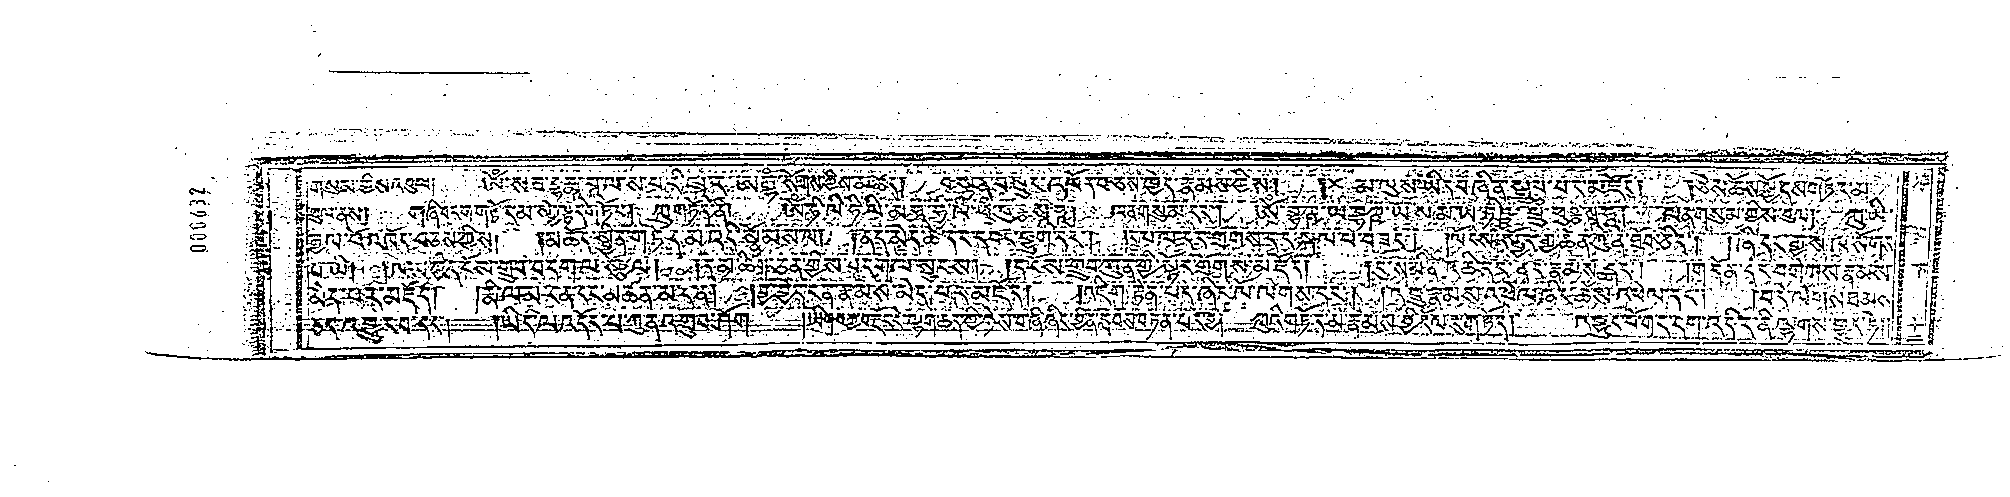གསུམ་གྱིས་འབུལ། ཨོཾ་སརྦ་དྷརྨཱ་པཱ་ལ་ས་པ་རི་ཝཱ་ར་ཨརྒྷཾ་སོགས་ཀྱིས་མཆོད། བསྟན་བསྲུང་འཁོར་བཅས་ཁྱེད་རྣམས་ཀྱིས། །྾་མ་ལུས་ཡིད་བཞིན་སྒྲུབ་པར་མཛོད། །ཅེས་ཆོས་སྐྱོངས་གཏོར་མ་
ཕུལ་ནས། གཞི་བདག་གཏོར་མ་སྤྱི་ལྟར་གཏོར། ཀླུ་གཏོར་ནི། ཨོཾ་ཧི་ལི་ཧི་ལི་མ་ཧཱ་ཧི་ལི་ཕྲུཾ་ཕུཿ་སྭཱཧཱ། ལན་གསུམ་དང་། ཨོཾ་བྷཀྵ་ཡ་བྷཀྵ་ཡ་ས་མ་ཡ་ཏིཥཊཿཨ་ཕྲུཾ་ཕུཿ་སྭཱཧཱ། ལན་གསུམ་གྱིས་ཕུལ། ཀླུ་ཡི་
རྒྱལ་པོ་འཁོར་བཅས་ཀྱིས། །མཆོད་སྦྱིན་གཏོར་མ་འདི་སྣོམས་ལ། །ནད་མེད་ཚེ་དང་དབང་ཕྱུག་དང་། །དཔལ་དང་གྲགས་དང་སྐལ་པ་བཟང་། །ལོངས་སྤྱོད་རྒྱ་ཆེན་ཀུན་ཐོབ་ཅིང་། །ཞི་དང་རྒྱས་ལ་སོགས་
པ་ཡི། །ལས་ཀྱི་དངོས་གྲུབ་བདག་ལ་སྩོལ། །དམ་ཚིག་ཅན་གྱིས་བདག་ལ་སྲུངས། །དངོས་གྲུབ་ཀུན་གྱི་སྟོང་གྲོགས་མཛོད། །དུས་མིན་འཆི་དང་ནང་རྣམས་དང་། །གདོན་དང་བགེགས་རྣམས་
མེད་པར་མཛོད། །རྨི་ལམ་ངན་དང་མཚན་མ་ངན། །བྱ་བྱེད་ངན་རྣམས་མེད་པར་མཛོད། །འཇིག་རྟེན་བདེ་ཞིང་ལོ་ལེགས་དང་། །འབྲུ་རྣམས་འཕེལ་ཞིང་ཆོས་འཕེལ་དང་། །བདེ་ལེགས་ཐམས་
ཅད་འབྱུང་བ་དང་། །ཡིད་ལ་འདོད་པ་ཀུན་འགྲུབ་ཤོག །ཡིག་བརྒྱ་བརྗོད་དེ་ལྷག་ཆད་ཀྱི་ཉེས་བཞི་ཞིང་བྱིན་རླབས་བཏན་པར་བྱ། ཀླུའི་གཏོར་མ་རྣམས་བྱི་རོལ་དུ་གཏོར། འབྱུང་པོ་གང་དག་འདིར་ནི་ལྷགས་གྱུར་ཏེ།།